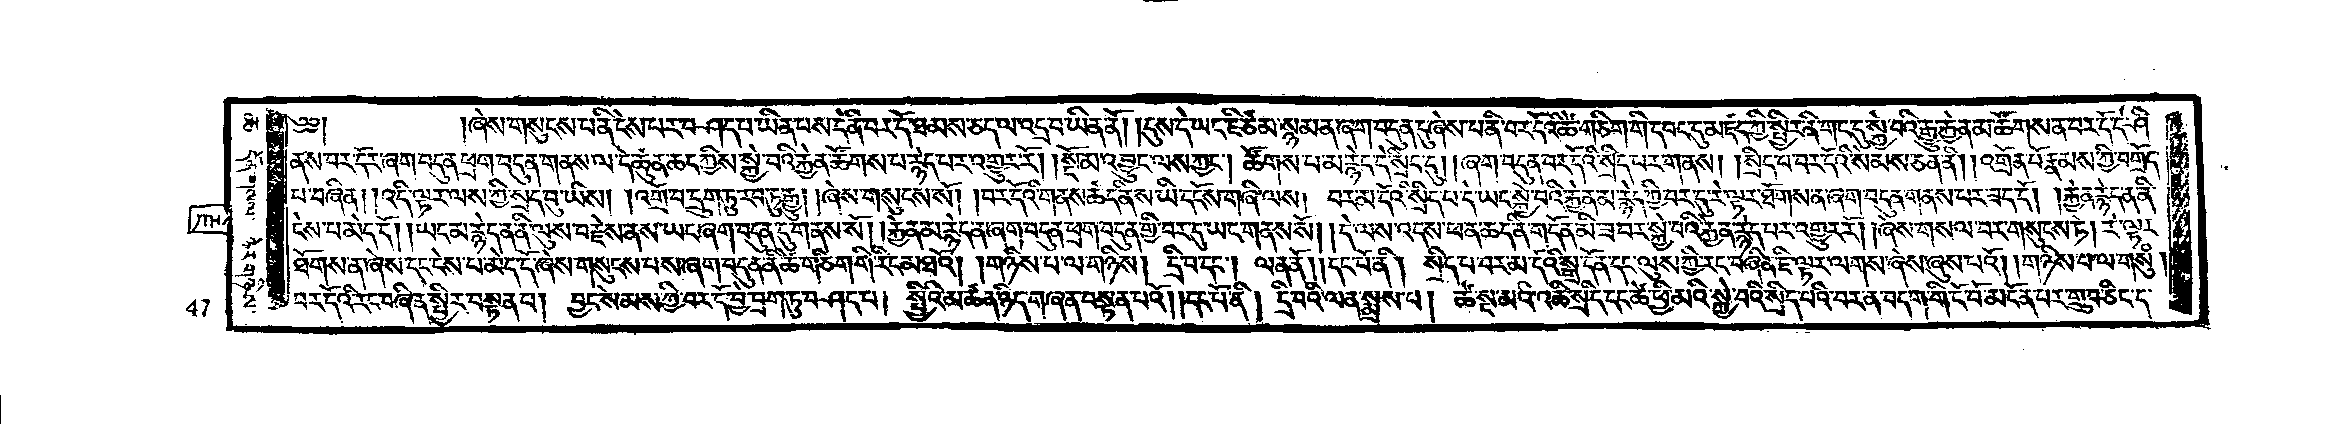༄༅། །ཞེས་གསུངས་པ་ནི་ངེས་པར་བཤད་པ་ཡིན་པས་དེ་ནི་བར་དོ་ཐམས་ཅད་ལ་འདྲ་བ་ཡིན་ནོ། །དུས་དེ་ཡང་ཇི་ཙམ་སྙམ་ན་ཞག་བདུན་དུ་ཞེས་པ་ནི་བར་དོའི་ཚེ་གཅིག་གི་དབང་དུ་མཛད་ཀྱི་སྤྱིར་ནི་གང་དུ་སྐྱེ་བའི་རྒྱུ་རྐྱེན་མ་ཚོགས་ན་བར་དོ་དེ་ཤི་
ནས་བར་དོར་ཞག་བདུན་ཕྲག་བདུན་གནས་ལ་དེ་ཚུན་ཆད་ཀྱིས་སྐྱེ་བའི་རྐྱེན་ཚོགས་པ་རྙེད་པར་འགྱུར་རོ། །སྡོམ་འབྱུང་ལས་ཀྱང་། ཚོགས་པ་མ་རྙེད་དེ་སྲིད་དུ། །ཞག་བདུན་བར་དོའི་སྲིད་པར་གནས། །སྲིད་པ་བར་དོའི་སེམས་ཅན་ནི། །འགྲོན་པོ་རྣམས་ཀྱི་བགྲོད་
པ་བཞིན། །འདི་ལྟར་ལས་ཀྱི་སྲད་བུ་ཡིས། །འགྲོ་བ་དྲུག་ཏུ་རབ་ཏུ་རྒྱུ། །ཞེས་གསུངས་སོ། །བར་དོའི་གནས་ཚད་ནི་ས་ཡི་དངོས་གཞི་ལས། བར་མ་དོའི་སྲིད་པ་དེ་ཡང་སྐྱེ་བའི་རྐྱེན་མ་རྙེད་ཀྱི་བར་དུ་རེ་ལྟར་ཐོགས་ན་ཞག་བདུན་གནས་པར་ཟད་དོ། །རྐྱེན་རྙེད་ན་ནི་
ངེས་པ་མེད་དོ། །ཡང་མ་རྙེད་ན་ནི་ལུས་བརྗེས་ནས་ཡང་ཞག་བདུན་དུ་གནས་སོ། །རྐྱེན་མ་རྙེད་ན་ཞག་བདུན་ཕྲག་བདུན་གྱི་བར་དུ་ཡང་གནས་སོ། །དེ་ལས་འདས་ཕན་ཆད་ནི་གདོན་མི་ཟ་བར་སྐྱེ་བའི་རྐྱེན་རྙེད་པར་འགྱུར་རོ། །ཞེས་གསལ་བར་གསུངས་ཏེ། རེ་ལྟར་
ཐོགས་ན་ཞེས་དང་ངེས་པ་མེད་དོ་ཞེས་གསུངས་པས་ཞག་བདུན་ནི་ཚེ་གཅིག་གི་རིང་མཐའོ། །གཉིས་པ་ལ་གཉིས། དྲི་བ་དང་། ལན་ནོ། །དང་པོ་ནི། སྲིད་པ་བར་མ་དོའི་སྒྲ་དོན་དང་ལུས་ཀྱི་རང་བཞིན་ཇི་ལྟར་ལགས་ཞེས་ཞུས་པའོ། །གཉིས་པ་ལ་གསུམ།
བར་དོའི་རང་བཞིན་སྤྱིར་བསྟན་པ། བྱང་སེམས་ཀྱི་བར་དོ་བྱེ་བྲག་ཏུ་བཤད་པ། སྤྱིའི་མཚན་ཉིད་གཞན་བསྟན་པའོ། །དང་པོ་ནི། དྲི་བའི་ལན་སྨྲས་པ། ཚེ་སྔ་མའི་འཆི་སྲིད་དང་ཚེ་ཕྱི་མའི་སྐྱེ་བའི་སྲིད་པའི་བར་ན་བདག་གི་ངོ་བོ་མངོན་པར་གྲུབ་ཅིང་ད་